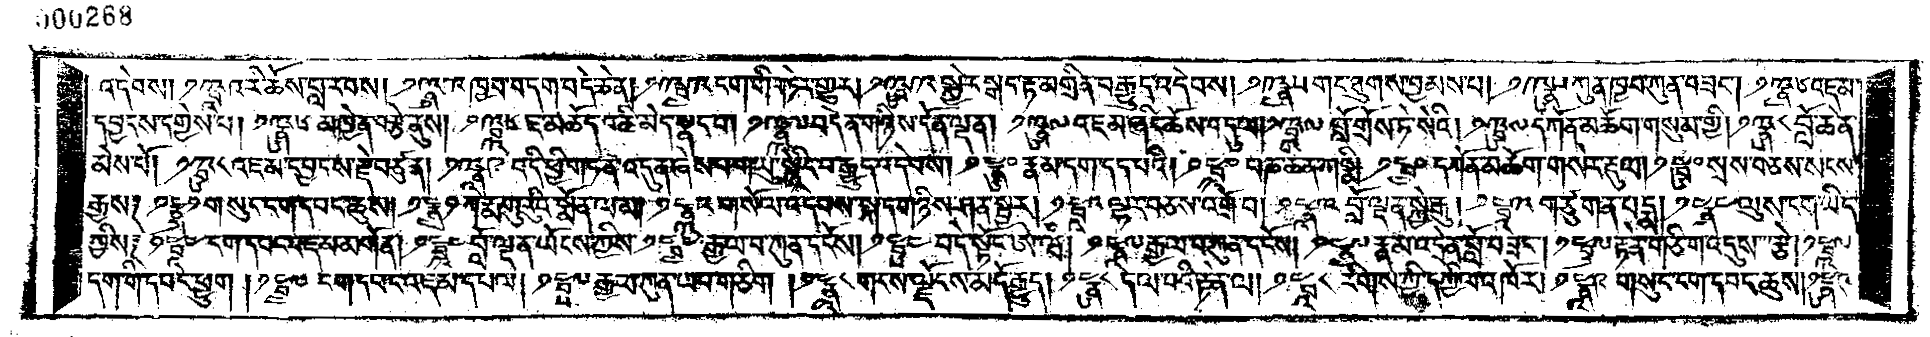འདེབས། ༡༣བ༢་རི་ཆོས་བླ་རབས། ༡༣༣ན༡་ཁྱབ་བདག་བདེ་ཆེན། ༡༣༣བ༤་ངག་གི་གཏེར་གྱུར། ༡༣༣བ༦་སྐྱེར་སྒང་རྟ་མགྲིན་བརྒྱུད་འདེབས། ༡༣༥ན༤་གང་ཐུགས་བྱམས་པ། ༡༣༥ན༦་ཀུན་ཁྱབ་ཀུན་བཟང་། ༡༣༦ན༤་འཇམ་
དབྱངས་དགྱེས་པ། ༡༣༦ན༦་མཁྱེན་བརྩེ་ནུས། ༡༣༦བ༣་ཇ་མཆོད་འཆི་མེད་སྣང་བ། ༡༣༥ན༣་བདེན་གཉིས་དོན་ལྡན། ༡༣༧ན༦་འཇམ་ཞིང་ཆོས་འདུལ། ༡༣༦བ༤་བློ་གྲོས་སེའི། ༡༣༦བ༦་དཀོན་མཆོག་གསུམ་གྱི། ༡༣༨་བློ་ཆེན་
མེས་པོ། ༡༣༨བ༦་འཇམ་དབྱངས་རྗེ་བཙུན། ༡༣༩ན༢་འདི་ཕྱི་གཏན་འདུན་ཞེས་པ་གཡུ་སྙིང་བརྒྱུད་འདེབས། ༡༤༠ན༦་རྣམ་དག་དད་པའི། ༡༤༠བ༢་པཎ་ཆེན་ཀསྨི། ༡༤༠བ༤་དཀོན་མཆོག་གསེར་རྡུལ། ༡༤༠བ༦་སྲས་བཅས་སངས་
རྒྱས༑ ༡༤༡་གསུང་ངག་དབང་ཆུས། ༡༤༡ན༤་ཀརྨ་གུ་རུའི་སྨོན་ལམ། ༡༤༢ན༣་གསོལ་འདེབས་སྐད་གཉིས་ཤན་སྦྱར། ༡༤༢བ༢་ལྟར་བཅས་འགྲོ་བ། ༡༤༢ན༢་བློ་ལྡན་སྐྱེ་རྒུ། ༡༤༣བ༢་གཙུག་ན་པདམ། ༡༤༤ན༤་ལུས་ངག་ཡིད་
ཀྱིས༑ ༡༤༤བ༢་ངག་དབང་འཇམ་མགོན། ༡༤༤བ༣་བློ་ལྡན་ཡོངས་ཀྱིས ༡༤༧བ༤་རྒྱལ་བ་ཀུན་དངོས། ༡༤༤བ༥་བདེ་སྟོང་ཨེ་ཝཾ། ༡༤༧བ༢་རྒྱལ་བ་ཀུན་དངོས། ༡༤༧ན༤་རྣམ་འདྲེན་བློ་བཟང་། ༡༤༧བ༡་རྟེན་གཅིག་འདུས་རྩེ། ༡༤༧བ༣
དག་གི་དབང་ཕྱུག །༡༤༧བ༤་ངག་དབང་འཇམ་དཔལ། ༡༤༧བ༥་རྒྱལ་ཀུན་ཡབ་གཅིག །༡༤༨ན༣་གངས་ལྗོངས་མདོ་རྒྱུད། ༡༤༨ན༦་དེ་ལ་པའི་རྟེན་ལ། ༡༤༨བ༢་རིགས་ཀྱི་དཀྱིལ་འཁོར། ༡༤༩ན༢་གསུང་ངག་དབང་ཆུས། ༡༤༩ན༦